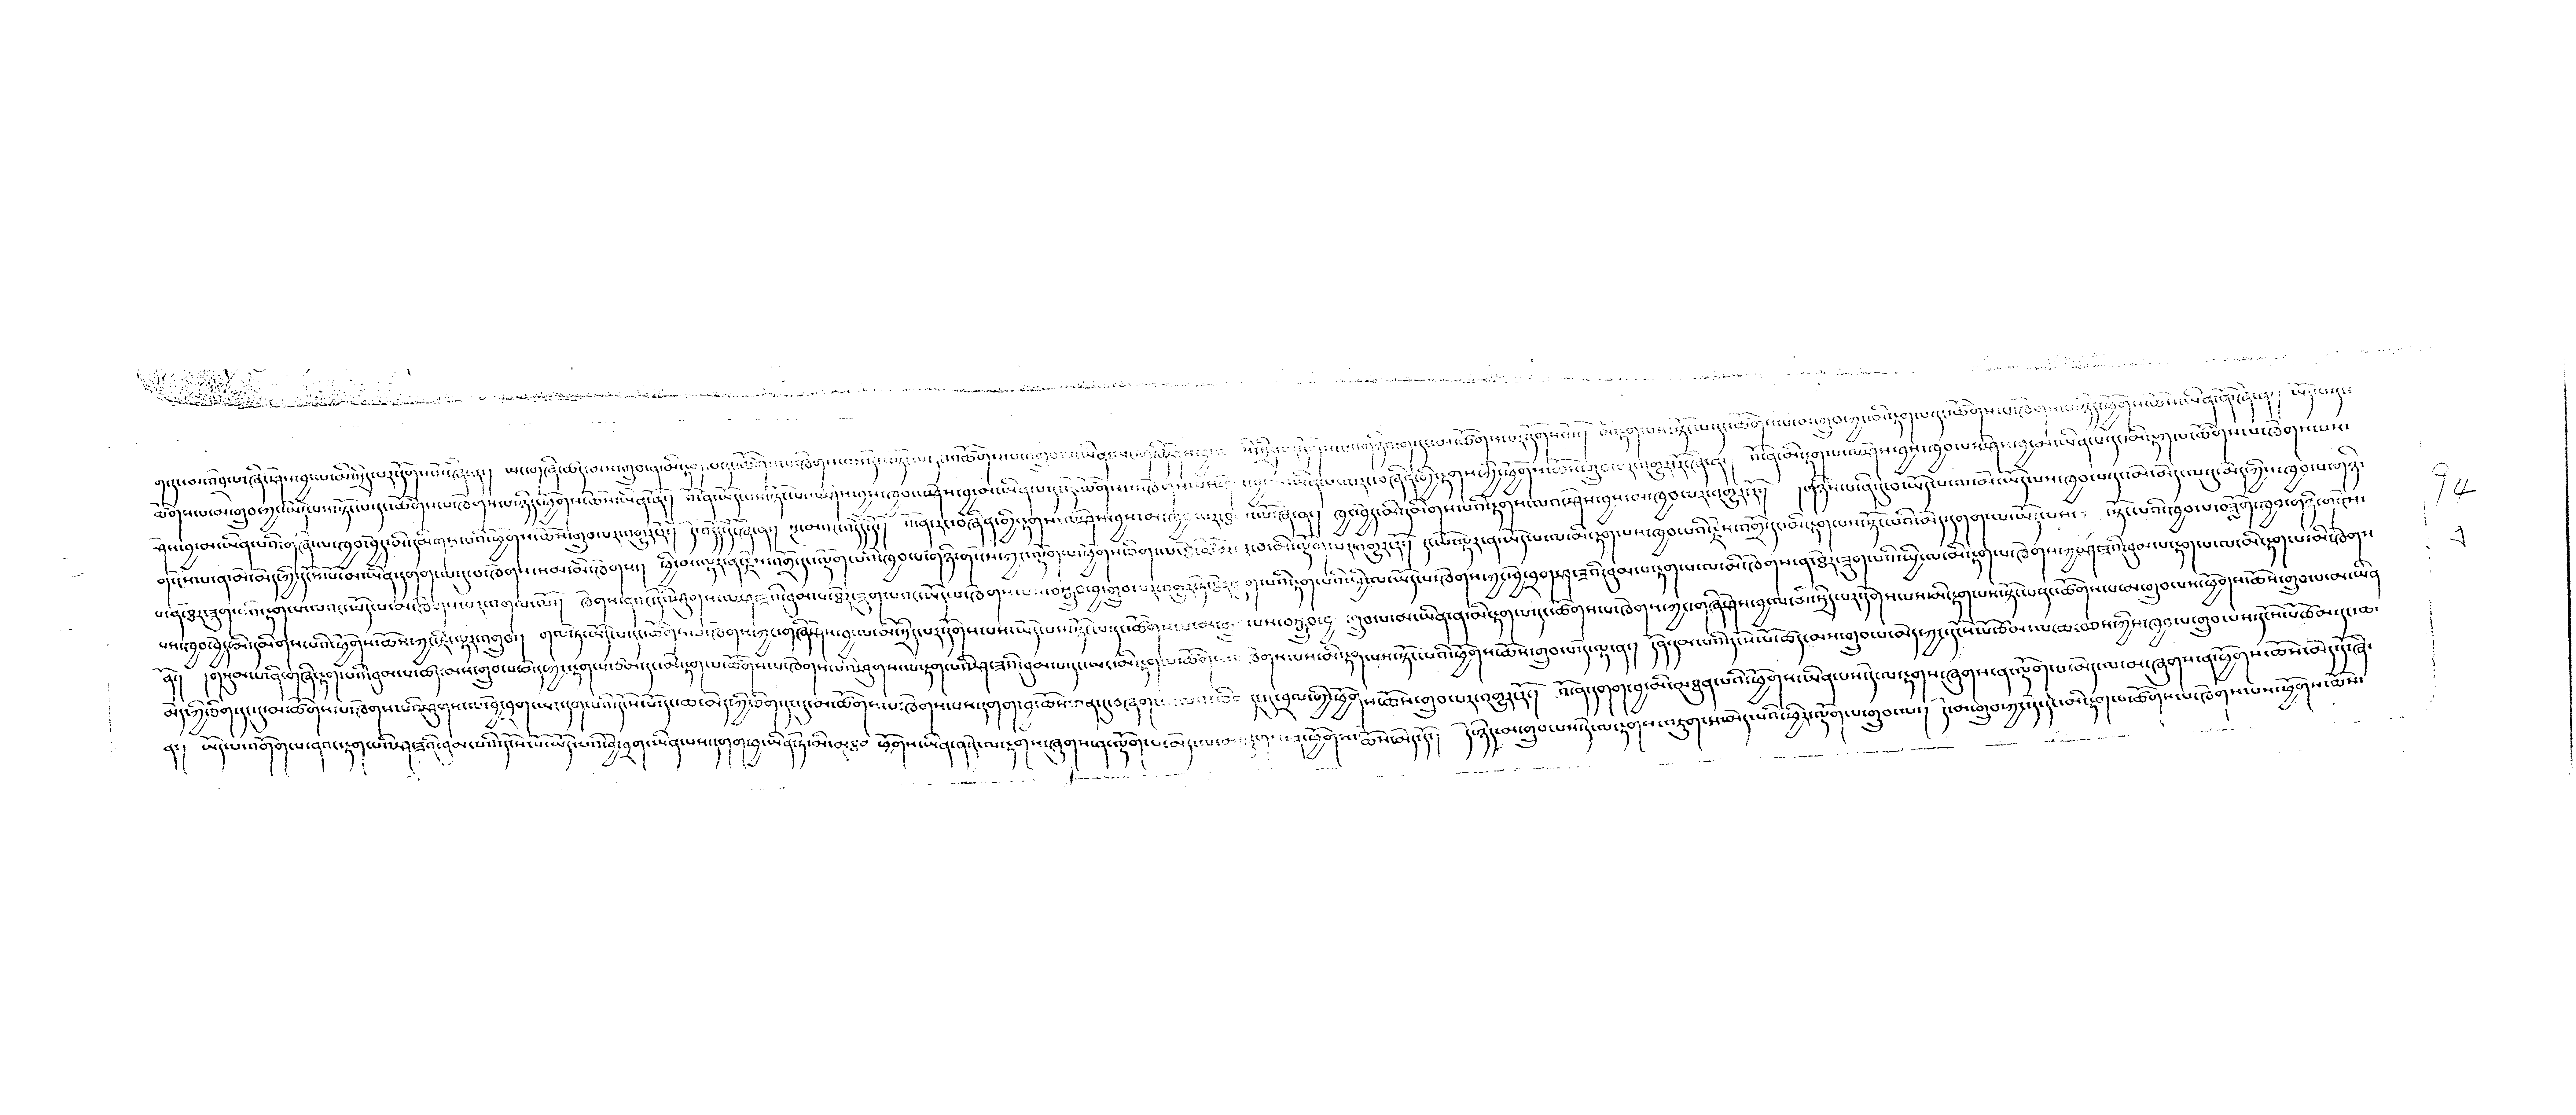ག་དང་མ་འབྲེལ་ཞིང་ཤེས་བྱ་ལ་མི་སྲིད་པར་དོགས་པོས་ཞེ་ན། ཡང་གཞི་ཚད་མ་འགྲུབ་ན་མི་རྟག་པ་དང་ཚོགས་པ་ཁེགས་པས་ཏེ་སྟོང་པ་ན་འཚོགས་པ་འགྲུབ་པ་ཡིན་ལ་གཞི་དགོས་བྱ་མི་སྲིད་པར་དོགས་པ་གཉིའ་ག་དང་མ་ཚོགས་པར་དོགས་སོ། མི་རྟག་པས་སྟོང་པ་དང་ཚོགས་པ་མ་གྲུབ་ཀྱང་མི་རྟག་པ་དང་ཚོགས་པ་ཁེགས་པ་ཉིད་ཕྱོགས་ཆོས་ཡིན་ནོ་ཞེ་ན། ཡོད་པ་དང་
ཚོགས་པ་མ་གྲུབ་ཀྱང་ཡོད་པས་སྟོང་པ་དང་ཚོགས་པ་ཁེགས་པ་ཉིད་ཕྱོགས་ཆོས་ཡིན་ནོ། འོ་ན་ཡོད་པས་སྟོང་པ་ལ་ཤེས་བྱས་ཁྱབ་པ་ཤེས་བྱ་མ་ཡིན་པ་དང་དེ་ཚོགས་མ་ཁེགས་པས་ཤེས་བྱ་མ་ཡིན་པས་རང་བཞིན་གྱི་རྟགས་ཀྱི་ཕྱོགས་ཆོས་གྲུབ་པར་འགྱུར་རོ་ཞེ་ན། འོ་ན་མི་རྟག་པ་ལ་ཤེས་བྱས་ཁྱབ་པས་ཤེས་བྱ་མ་ཡིན་པ་དང་མི་རྟག་པ་ཚོགས་པ་ཁེགས་པས་
ཤེས་བྱ་མ་ཡིན་པའི་གཞི་ལ་ཁྱབ་བྱེད་མི་དམིགས་པའི་ཕྱོགས་ཆོས་གྲུབ་པར་འགྱུར་རོ། དེ་འདོད་དོ་ཞེ་ན། སྔ་མའང་འདོད་དོ། འོ་ན་རང་བཞིན་གྱི་རྟགས་ལ་ཤེས་བྱས་མ་ཁྱབ་པར་ཐལ་ལོ་ཞེ་ན། ཁྱབ་བྱེད་མི་དམིགས་པའི་རྟགས་ལའང་ཤེས་བྱས་མ་ཁྱབ་པར་འགྱུར་རོ། །གཉིས་པ་ནི་དུ་བ་ཡོད་པ་ལ་མེ་ཡོད་པས་ཁྱབ་པ་དང་མེ་མེད་ལ་དུ་མེད་ཀྱིས་ཁྱབ་པ་གཉི་
ག་ངེས་པ་ན་མེ་མེད་ཀྱི་དངོས་པོ་མ་ཡིན་དགག་ལ་དུ་བ་ཁེགས་སམ་མི་ཁེགས། ཕྱི་མ་ལྟར་ན་རྗེས་འགྲོ་དང་ལྡོག་པའི་ཁྱབ་པ་གཉི་ག་ངེས་ཀྱང་ལྡོག་པ་ཕྱོགས་ཅིག་ལ་ཐེ་ཚོམ་?་ཁ་མི་ལྡོག་པར་འགྱུར་རོ། དང་པོ་ལྟར་ན་ཡོད་པ་ལ་མི་རྟག་པས་ཁྱབ་པའི་རྗེས་འགྲོ་དང་མི་རྟག་པས་སྟོང་པའི་མེད་དགག་ལ་ཡོད་པས་སྟོང་པའི་ཁྱབ་པ་བཟློག་ཁྱབ་གཉི་ག་ངེས་
པ་ན་ཐེར་ཟུག་བའི་རྟག་པ་ལའང་ཡོད་པ་མ་ཁེགས་པར་འགལ་ལོ། ཁེགས་ནའང་དེའི་ཤུགས་ལ་ཤ་ཟའི་བུམ་པ་ཐེར་ཟུག་པའང་ཡོད་པ་ཁེགས་པས་བསྒྲུབ་བྱ་གྲུབ་པར་འགྱུར་ཏེ་ཐེར་ཟུག་པའི་རྟག་པའི་ཕྱི་ལ་ཡོད་པ་ཁེགས་ཀྱང་བྱེ་བྲག་ཤ་ཟའི་བུམ་པ་རྟག་པ་ལ་མི་ཁེགས་ན་ཐེར་ཟུག་པའི་སྤྱི་ལ་མི་རྟག་པ་ཁེགས་ཀྱང་ཤ་ཟའི་བུམ་པ་རྟག་པ་ལ་མི་རྟག་པ་མི་ཁེགས་
པས་ཁྱབ་བྱེད་མི་དམིགས་པའི་ཕྱོགས་ཆོས་ཀྱང་ཇི་ལྟར་འགྲུབ། གལ་ཏེ་ཡོད་པ་དང་ཚོགས་པ་ཁེགས་ཀྱང་གཞི་ཤེས་བྱ་ལ་མི་སྲིད་པར་དོགས་པས་ཡོད་པས་སྟོང་པ་དང་ཚོགས་པ་མྦར་གྲུབ་པ་བསྒྲུབ་བྱ་འགྲུབ་པ་མ་ཡིན་ན་མི་རྟག་པ་དང་ཚོགས་པ་ཁེགས་ཀྱང་གཞི་ཤེས་བྱ་ལ་མི་སྲིད་པར་དོགས་པས་མི་རྟག་པས་སྟོང་པ་རང་ཚོགས་པ་མ་གྲུབ་པས་ཕྱོགས་ཆོས་གྲུབ་པ་མ་ཡིན་
ནོ། །གསུམ་པ་ནི་གཞི་རྟག་པའི་བུམ་པ་ཚད་མས་གྲུབ་པ་མེད་ཀྱང་རྟག་པ་ཙམ་དང་མི་རྟག་པ་ཚོགས་པ་ཁེགས་པའི་ཤུགས་ལ་རྟག་པའི་ཤ་ཟའི་བུམ་པ་དང་ཡང་མི་རྟག་པ་ཚོགས་ཁེགས་པས་མི་རྟག་པས་སྟོང་པའི་ཕྱོགས་ཆོས་གྲུབ་པ་དེ་ལྟ་ན། དོན་དམ་པའི་དངོས་པོ་ཚད་མས་གྲུབ་པ་མེད་ཀྱང་དངོས་པོ་ཙམ་ལ་ཆ་བཅས་ཀྱིས་ཁྱབ་པ་གྲུབ་པས་དངོས་པོ་ཙམ་དང་ཆ་
མེད་ཀྱི་ཅིག་དང་དུ་མ་ཚོགས་པ་ཁེགས་པའི་ཤུགས་ལ་བྱེ་བྲག་ཡང་དག་པའི་དངོས་པོ་དང་ཆ་མེད་ཀྱི་ཅིག་དང་དུ་མ་ཚོགས་པ་ཁེགས་པས་དགག་བྱ་ཆོས་ཅན་དུ་བཞག་པ་ལའང་ཅིག་དང་དུ་བྲལ་གྱི་ཕྱོགས་ཆོས་གྲུབ་པར་འགྱུར་རོ། འོ་ན་དགག་བྱ་མི་མཐུན་པའི་ཕྱོགས་ཡིན་པས་དེ་ལ་རྟགས་ཞུགས་ན་ལྡོག་པ་མེད་ལ་མ་ཞུགས་ན་ཕྱོགས་ཆོས་མེད་དོ་ཞེ་
ན། ཡོད་པ་འགོག་པ་ནའང་རྟག་པའི་ཤ་ཟའི་བུམ་པའི་དངོས་པོ་ཡོད་པའི་བྱེ་བྲག་ཡིན་པས་དགག་བྱ་ཡིན་ཏེ་མི་མཐུན་ཕྱོགས་ཡིན་ན་དེ་ལ་རྟགས་ཞུགས་ན་ལྡོག་པ་མེད་ལ་མ་ཞུགས་ན་ཕྱོགས་ཆོས་མེད་དོ། དེ་ཉིད་མ་གྲུབ་པས་དེ་ལ་རྟགས་འཇུག་ས་མེད་པའི་ཕྱིར་ལྡོག་པ་གྲུབ་ལ། དེ་མ་གྲུབ་ཀྱང་དེ་དང་མི་རྟག་པ་ཚོགས་པ་ཁེགས་པས་ཕྱོགས་མོས་